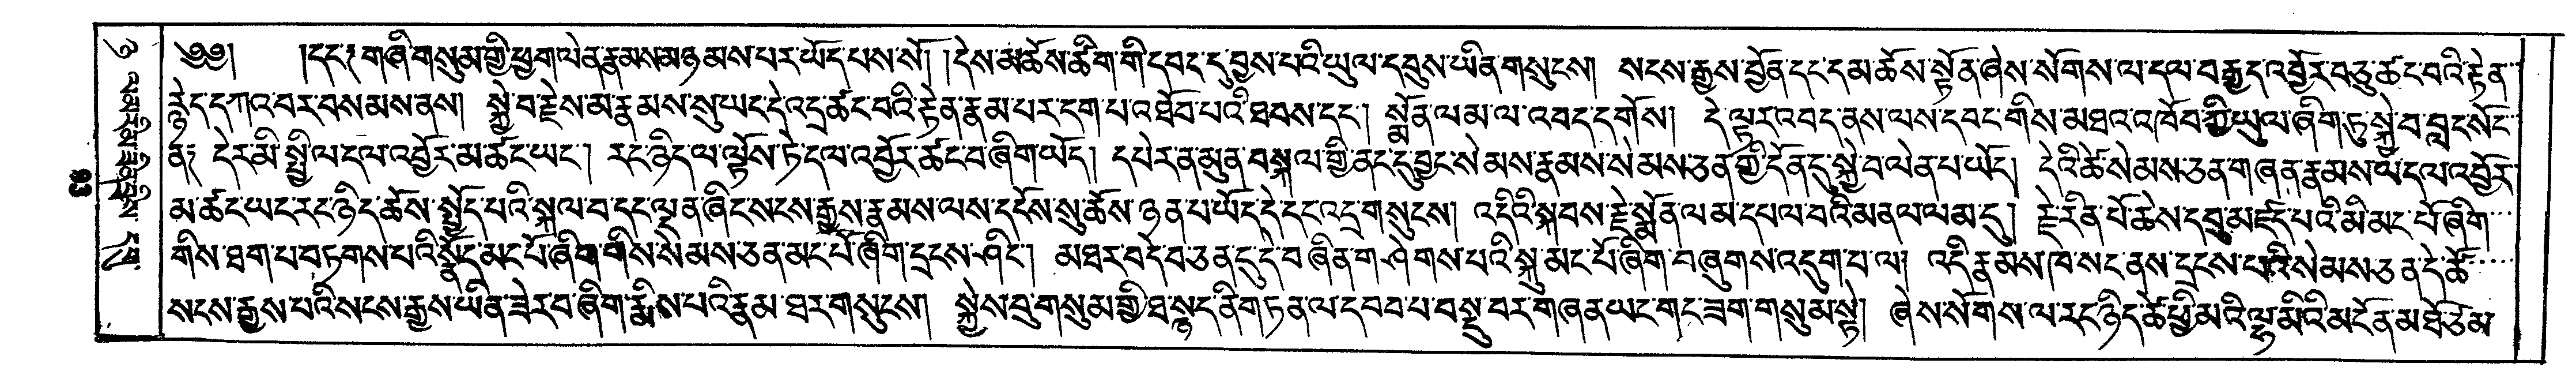༄༅། །དང་གཞི་གསུམ་གྱི་ཕྱག་ལེན་རྣམས་མཉམས་པར་ཡོད་པས་སོ། །དེས་ན་ཆོས་ཚིག་གི་དབང་དུ་བྱས་པའི་ཡུལ་དབུས་ཡིན་གསུངས། སངས་རྒྱས་བྱོན་དང་དམ་ཆོས་སྟོན་ཞེས་སོགས་ལ་དལ་བརྒྱད་འབྱོར་བཅུ་ཚང་བའི་རྟེན་
རྙེད་དཀའ་བར་བསམས་ནས། སྐྱེ་བརྗེས་མ་རྣམས་སུ་ཡང་དེ་འདྲ་ཚང་བའི་རྟེན་རྣམ་པར་དག་པ་འཐོབ་པའི་ཐབས་དང་། སྨོན་ལམ་ལ་འབད་དགོས། དེ་ལྟར་འབད་ནས་ལས་དབང་གིས་མཐའ་འཁོབ་ཀྱི་ཡུལ་ཞིག་ཏུ་སྐྱེ་བ་བླང་སོང་
ན༑ དེར་མི་སྤྱི་ལ་དལ་འབྱོར་མཚང་ཡང་། རང་ཉིད་ལ་ལྟོས་ཏེ་དལ་འབྱོར་ཚང་བ་ཞིག་ཡོད། དཔེར་ན་མུན་བསྐལ་གྱི་ནང་དུ་བྱང་སེམས་རྣམས་སེམས་ཅན་གྱི་དོན་དུ་སྐྱེ་བ་ལེན་པ་ཡོད། དེའི་ཚེ་སེམས་ཅན་གཞན་རྣམས་ལ་དལ་འབྱོར་
མ་ཚང་ཡང་རང་ཉིད་ཆོས་སྤྱོད་པའི་སྐལ་བ་དང་ལྡན་ཞིང་སངས་རྒྱས་རྣམས་ལས་དངོས་སུ་ཆོས་ཉན་པ་ཡོད་དེ་དང་འདྲ་གསུངས། འདིའི་སྐབས་རྗེ་སྨོན་ལམ་དཔལ་བའི་མནལ་ལམ་དུ། རྗེ་རིན་པོ་ཆེས་དབུ་མཛད་པའི་མི་མང་པོ་ཞིག་
གིས་ཐག་པ་བཏགས་པའི་སྣོང་མང་བོ་ཞིག་གིས་སེམས་ཅན་མང་པོ་ཞིག་དྲངས་ཤིང་། མཐར་བདེ་བ་ཅན་དུ་དེ་བཞིན་གཤེགས་པའི་སྐུ་མང་པོ་ཞིག་བཞུགས་འདུག་པ་ལ། འདི་རྣམས་ཁ་སང་ནས་དྲངས་བའི་སེམས་ཅན་དེ་ཚོ་
སངས་རྒྱས་པའི་སངས་རྒྱས་ཡིན་ཟེར་བ་ཞིག་རྨིས་པའི་རྣམ་ཐར་གསུངས། སྐྱེས་བུ་གསུམ་གྱི་ཐ་སྙད་ནི་གཏན་ལ་དབབ་པ་བསྡུ་བར་གཞན་ཡང་གང་ཟག་གསུམ་སྟེ། ཞེས་སོགས་ལ་རང་ཉིད་ཚེ་ཕྱི་མའི་ལྷ་མིའི་མངོན་མཐོ་ཙམ་